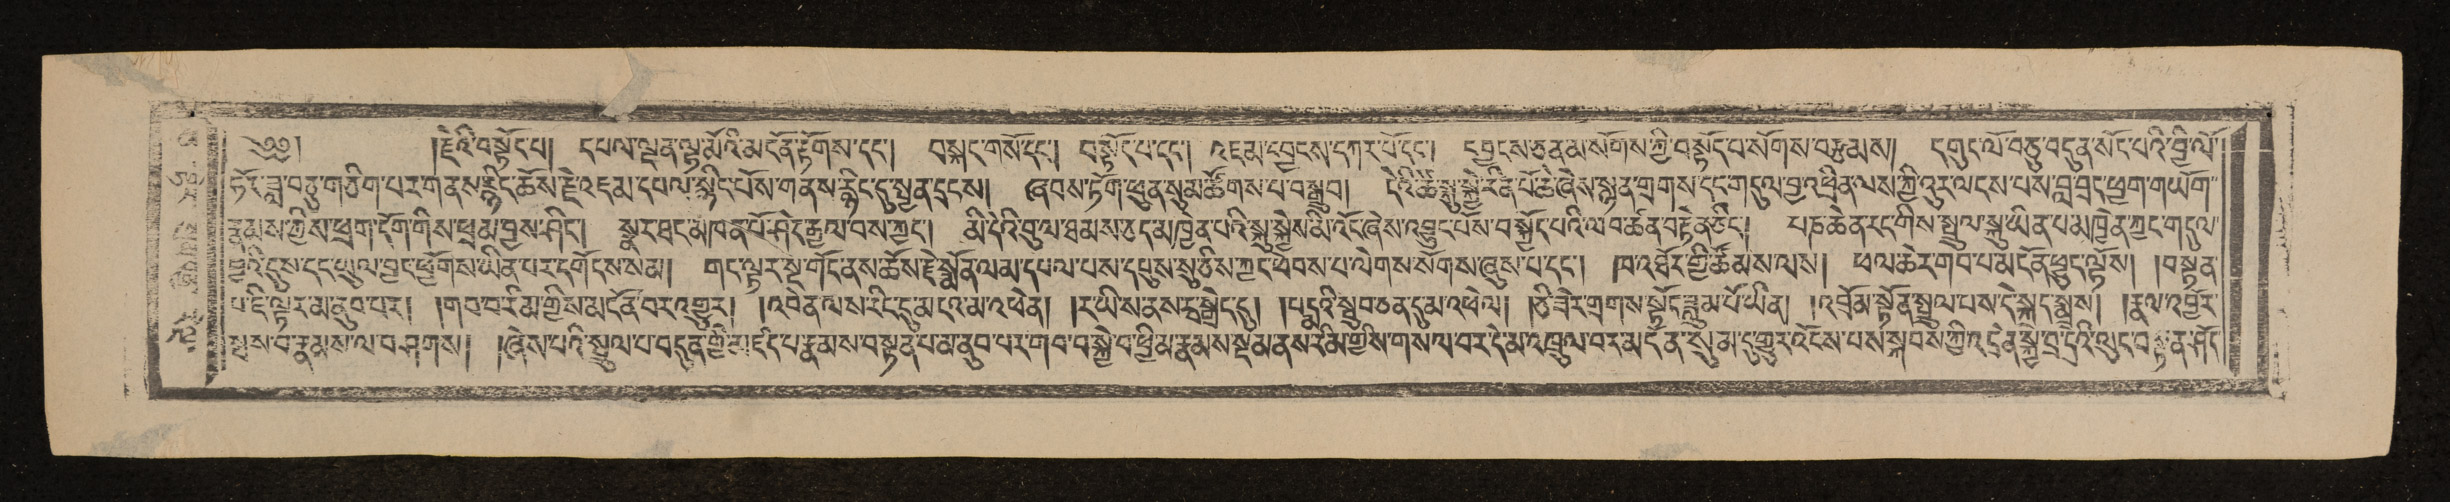༄༅། །རྗེའི་བསྟོད་པ། དཔལ་ལྡན་ལྷ་མོའི་མངོན་རྟོགས་དང་། བསྐང་གསོ་དང་། བསྟོད་པ་དང་། འཇམ་དབྱངས་དཀར་པོ་དང་། དབྱངས་ཅན་མ་སོགས་ཀྱི་བསྟོད་པ་སོགས་བརྩམས། དགུང་ལོ་བཅུ་བདུན་སོང་པའི་བྱི་ལ་
ཧོར་ཟླ་བཅུ་གཅིག་པར་གནས་རྙིང་ཆོས་རྗེ་འཇམ་དཔལ་སྙིང་པོས་གནས་རྙིང་དུ་སྤྱན་དྲངས། ཞབས་ཏོག་ཕུན་སུམ་ཚོགས་པ་བསྒྲུབ། དེའི་ཚེ་སྐུ་སྐྱེ་རིན་པོ་ཆེ་ཞེས་སྙན་གྲགས་དང་གདུལ་བྱ་འཕྲིན་ལས་ཀྱི་འུར་ལངས་པས་བླ་བྲང་ཕྱག་གཡོག་
རྣམས་ཀྱིས་ཕྲག་དོག་གིས་ཕྲ་མ་བྱས་ཤིང་། སྣར་ཐང་མཁན་པོ་ཤེར་རྒྱལ་པས་ཀྱང་། མི་དེའི་བུ་ལ་ཐམས་ཅད་མཁྱེན་པའི་སྐུ་སྐྱེས་མི་འོང་ཞེས་འབྱུང་པོས་བསྐྱེད་པའི་ལབ་ཚན་བརྟེན་ཅིང་། པཎ་ཆེན་རང་གིས་སྤྲུལ་སྐུ་ཡིན་པ་མཁྱེན་ཀྱང་གདུལ་
བྱའི་དུས་དང་ཡུལ་བྱང་ཕྱོགས་ཡིན་པར་དགོངས་སམ། གང་ལྟར་སྔ་གོང་ནས་ཆོས་རྗེ་སྨོན་ལམ་དཔལ་པས་དབུས་སུ་ཅིས་ཀྱང་ཕེབས་པ་ལེགས་སོགས་ཞུས་པ་དང་། ཁ་འཐོར་གྱི་ཚོམས་ལས། ཕལ་ཆེར་གབ་པ་མངོན་ཕྱུང་ལྟོས། །བསྟན་
པ་ཇི་ལྟར་མ་ནུབ་པར། །གབ་པ་རིམ་གྱིས་མངོན་པར་འགྱུར། །འབེན་ལས་རིང་དུ་མདའ་མ་འཕེན། །ར་ཡི་ས་ནས་རྭ་སྒྲེང་དུ། །པདམའི་སྦུབ་ཅན་དུ་མ་འཕེལ། །ཅི་ཟེར་གྲགས་སྟོང་ཟླུམ་པོ་ཡིན། །འབྲོམ་སྟོན་སྤྲུལ་པས་དེ་སྐད་སྨྲས། །རྣལ་འབྱོར་
སྲས་པ་རྣམས་ལ་བཤགས། །ཞེས་པའི་སྤྲུལ་པ་བདུན་གྱི་མཛད་པ་རྣམས་བསྟན་པ་མ་ནུབ་པར་གབ་པ་སྐྱེ་བ་ཕྱི་མ་རྣམས་སྔ་མ་ནས་རིམ་གྱིས་གསལ་བར་དེ་མ་འཁྲུལ་བར་མངོན་སུམ་དུ་གྱུར་འོངས་པས་སྐབས་ཀྱི་འདེན་སྐྱེ་བ་དེའི་ལུང་བསྟན་ཤོད་